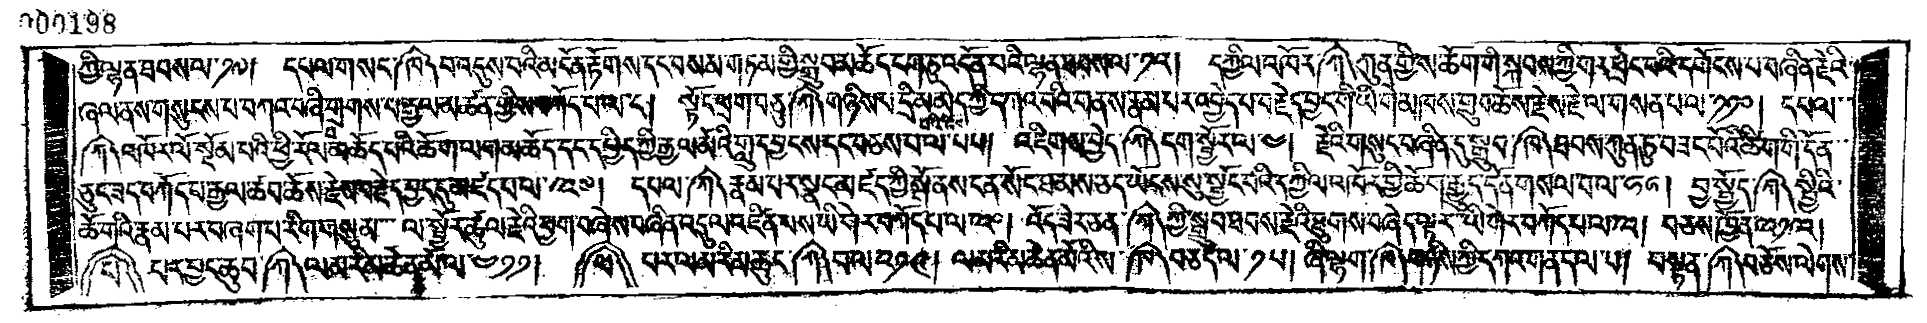ཀྱི་ལྷན་ཐབས་ལ ༡༧། དཔལ་གསང ༼ཁ༽ བ་འདུས་བའི་མངོན་རྟོགས་དང་བསམ་གཏམ་གྱི་སྒྲུབ་མཆོད་ངག་ཏུ་འདོན་པའི་ལྷན་ཐབས་ལ ༡༢། དཀྱིལ་འཁོར ༼ཀ༽ ཀུན་གྱི་ས་ཆོག་གི་སྐབས་ཀྱི་གར་ཕྲེང་བའི་དགོངས་པ་བཞིན་རྗེའི་
ཞལ་ནས་གསུངས་པ་བཀའ་བཞི་གྲགས་པ་རྒྱལ་མཚན་གྱིས་བཀོད་པ་ལ ༨། སྟོང་ཕྲག་བཅུ ༼ཀ༽ གཉིས་པ་དྲི་མ་མེད་ཀྱི་དཀའ་བའི་གནས་རྣམ་པར་འབྱེད་པ་བརྗེད་བྱང་གི་ཡི་གེ་མཁས་གྲུབ་ཆོས་རྗེས་རྗེ་ལ་གསན་པ་ལ ༡༡༠། དཔལ་
༼ཀ༽ འཁོར་ལོ་སྡོམ་པའི་ཕྱི་རོལ་མཆོད་པའི་ཆོ་ག་ལག་མཆོད་དང་དཔྱིད་ཀྱི་རྒྱལ་མོའི་གླུ་དབྱངས་དང་བཅས་པ་ལ ༥༥། འཇིགས་བྱེད ༼ཀ༽ དག་སྦྱོར་ལ ༤། རྗེའི་གསུང་བཞིན་དུ་སྒྲུབ ༼ཁ༽ ཐབས་ཀུན་ཏུ་བཟང་པོའི་ཚིག་གི་དོན་
ཅུང་ཟད་བཀོད་པ་རྒྱལ་ཚབ་ཆོས་རྗེས་བརྗེད་བྱང་དུ་མཛད་པ་ལ ༣༧། དཔལ ༼ཀ༽ རྣམ་པར་སྣང་མཛད་ཀྱི་སྒོ་ནས་ངན་སོང་ཐམས་ཅད་ཡོངས་སུ་སྦྱོང་བའི་དཀྱིལ་འཁོར་གྱི་ཆོ་ག་རྒྱུད་དོན་གསལ་བ་ལ ༦༦། བྱ་སྤྱོད ༼ཀ༽ སྤྱིའི་
ཆོ་གའི་རྣམ་པར་བཞག་པ་རིག་གསུམ་ལ་སྦྱོར་ཚུལ་རྗེའི་ཕྱག་བཞེས་བཞིན་འདུལ་འཛིན་པས་ཡི་གེར་བཀོད་པ་ལ ༣༠། འོད་ཟེར་ཅན ༼ཀ༽ ཀྱི་སྒྲུབ་ཐབས་རྗེའི་ཐུགས་བཞེད་ལྟར་ཡི་གེར་བཀོད་པ་ལ ༣། བཅས་ཁྱོན ༣༡༣།
༼༽པ༼༽ པར་བྱང་ཆུབ ༼ཀ༽ ལམ་རིམ་ཆེན་མོ་ལ ༤༡༡། ༼༽ཕ༼༽ པར་ལམ་རིམ་ཆུང ༼ཀ༽ བ་ལ ༢༡༩། ལམ་རིམ་ཆེན་མོའི་ས ༼ཁ༽ བཅད་ལ ༡༥། ཞི་ལྷག ༼ཁ༽ གཉིས་ཀྱི་དཀའ་གནད་ལ ༥། བསྟན ༼ཀ༽ བཅོས་ལེགས་